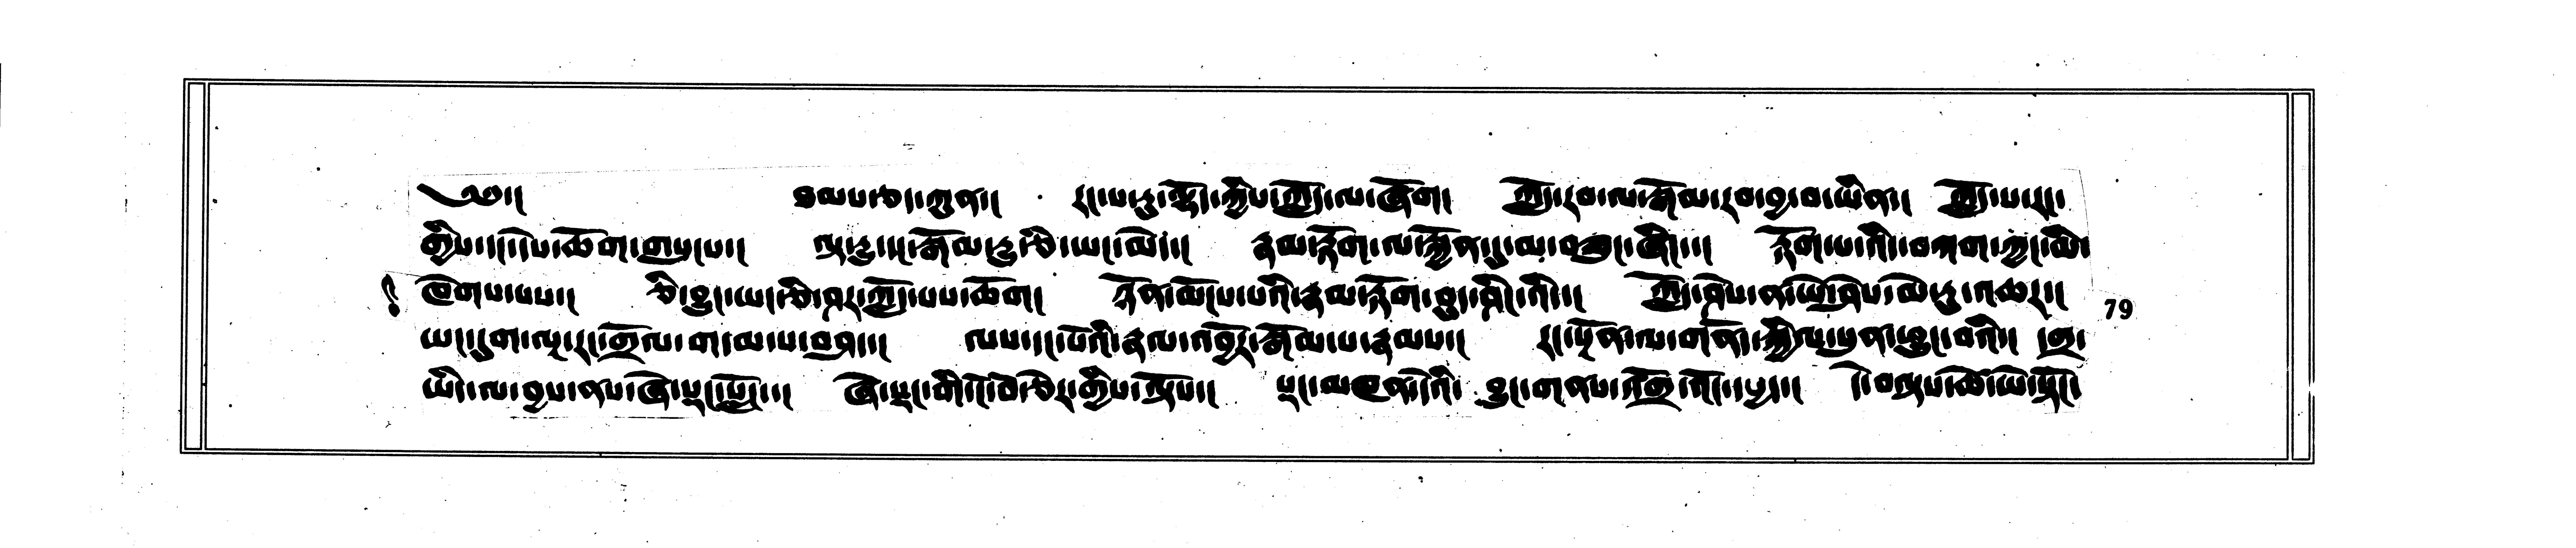ཐམས་ཅད་ཀུན། །རང་ས་རུ་ལྷོད་ཀྱིས་ཀློད་ལ་ཞོག །ཀློད་རབ་ལ་སྒོམ་རབ་བྱ་བ་ཡིན། །ཀློད་པ་རང་
གྱིས་དང་དེས་ཆོག་གསུངས། །ལྟ་རྒྱུ་དང་སྒོམ་རྒྱུ་ཅི་ཡང་མེད། །རྣམ་རྟོག་ལ་སྐྱོན་དུ་མ་བཟུང་ཞིང་། །རྟོག་པ་འདི་བཀག་ཀྱང་མི་
ཁེག་པས། །ཅི་བྱུང་ཡང་ཅི་ཤར་ཀློད་པས་ཆོག །ཉོན་མོངས་པའི་རྣམ་རྟོག་འབུད་ཤིང་འདི། །ཀློད་ཤེས་ན་ཡེ་ཤེས་མེ་རུ་འཆར། 
།ཡང་དུག་ལྔ་རང་གྲོལ་གྱི་གདམ་པ་བཤད། །ལས་དང་པོའི་རྣལ་འབྱོར་སྒོམ་པ་རྣམས། །རང་སྔོན་ལ་གནོད་སྐྱེལ་སུན་ཕྱུང་བའི། །དགྲ་
ཡིད་ལ་བྱས་ནས་ཞེ་སྡང་སློང་། །ཞེ་སྡང་གི་ངོ་བོ་ཅེར་གྱིས་ལྟོས། །སྡང་མཁན་དེའི་བྱུང་གནས་འགྲོ་འོང་དཔྱད། །དེ་བལྟས་ཚེ་ཡེ་སྟོང་